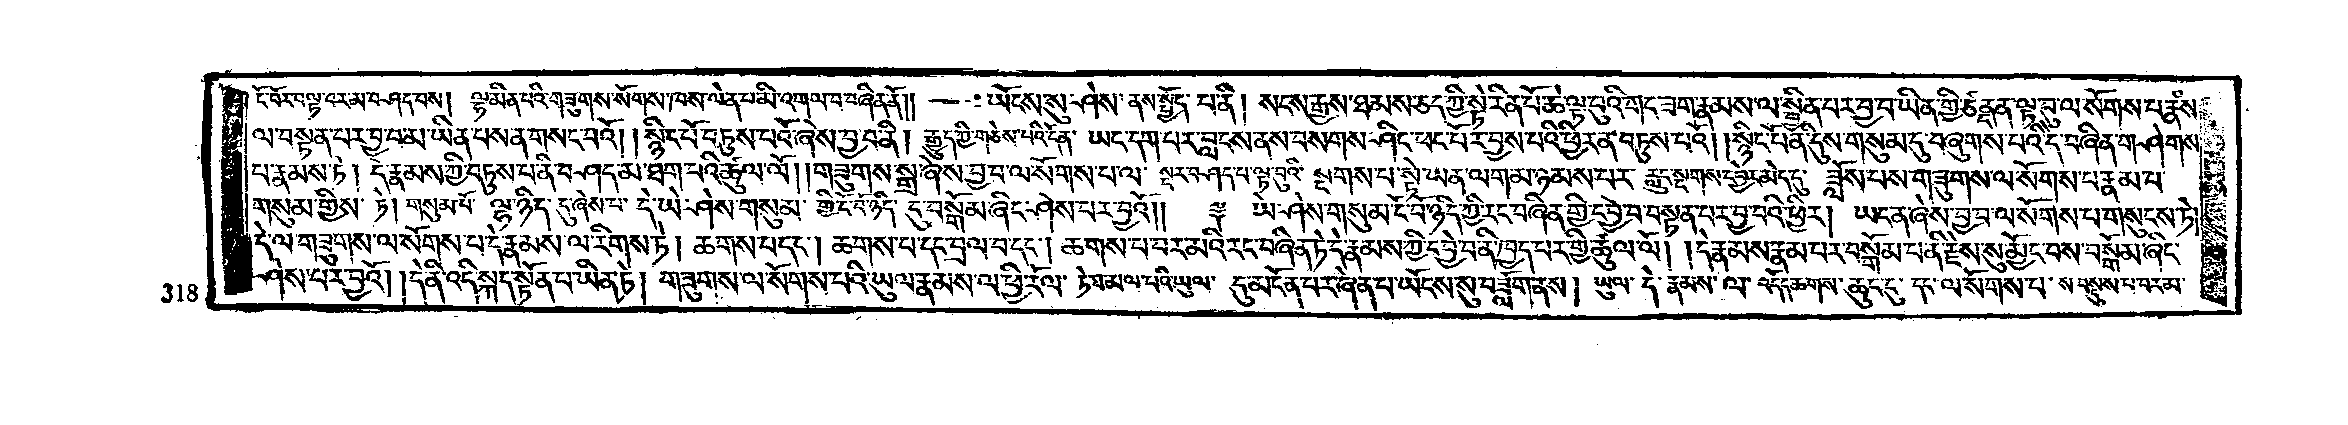ངོ་བོར་བལྟ་བར་མ་བཤད་པས། ལྷ་མིན་པའི་གཟུགས་སོགས་ཁས་ལེན་པ་མི་འགལ་བ་བཞིན་ནོ།།  .H ཡོངས་སུ་ཤེས་ནས་སྤྱོད་པ་ནི། སངས་རྒྱས་ཐམས་ཅད་ཀྱི་སྟེ་རིན་པོ་ཆེ་ལྟ་བུའི་གང་ཟག་རྣམས་ལ་སྦྱིན་པར་བྱ་བ་ཡིན་གྱི་ཙནྡན་ལྟ་བུ་ལ་སོགས་པ་རྣམས་
ལ་བསྟན་པར་བྱ་བ་མ་ཡིན་པས་ན་གསང་བའོ། །སྙིང་པོ་བཏུས་པའོ་ཞེས་བྱ་བ་ནི། རྒྱུད་ཀྱི་གཅེས་པའི་དོན་ཡང་དག་པར་བླངས་ནས་བསགས་ཤིང་ཕང་པོར་བྱས་པའི་ཕྱིར་ན་བཏུས་པའོ། །སྙིང་པོ་ནི་དུས་གསུམ་དུ་བཞུགས་པའི་དེ་བཞིན་གཤེགས་
པ་རྣམས་ཏེ། དེ་རྣམས་ཀྱི་བཏུས་པ་ནི་བཤད་མ་ཐག་པའི་ཚུལ་ལོ། །གཟུགས་སྒྲ་ཞེས་བྱ་བ་ལ་སོགས་པ་ལ་སྔར་བཤད་པ་ལྟ་བུའི་སྔགས་པ་སྟེ་ཡན་ལག་མ་ཉམས་པར་རླུང་སྔགས་དབྱེར་མེད་དུ་ཟློས་པས་གཟུགས་ལ་སོགས་པ་རྣམ་པ་
གསུམ་གྱིས་ཏེ། གསུམ་པོ་ལྷ་ཉིད་དུ་ཞེས་པ་དེ་ཡེ་ཤེས་གསུམ་གྱི་ངོ་བོ་ཉིད་དུ་བསྒོམ་ཞིང་ཤེས་པར་བྱའོ།། ༈ ཡེ་ཤེས་གསུམ་ངོ་བོ་ཉིད་ཀྱི་རང་བཞིན་གྱི་དབྱེ་བ་བསྟན་པར་བྱ་བའི་ཕྱིར། ཡང་ན་ཞེས་བྱ་བ་ལ་སོགས་པ་གསུངས་ཏེ།
དེ་ལ་གཟུགས་ལ་སོགས་པ་དེ་རྣམས་ལ་རིགས་ཏེ། ཆགས་པ་དང་། ཆགས་པ་དང་བྲལ་བ་དང་། ཆགས་པ་བར་མའི་རང་བཞིན་ཏེ་དེ་རྣམས་ཀྱི་དབྱེ་བ་ནི་ཁྱད་པར་གྱི་ཚུལ་ལོ། །དེ་རྣམས་རྣམ་པར་བསྒོམ་པ་ནི་རྗེས་སུ་མྱོང་བས་བསྒོམ་ཞིང་
ཤེས་པར་བྱའོ། །དེ་ནི་འདི་སྐད་སྟོན་པ་ཡིན་ཏེ། གཟུགས་ལ་སོགས་པའི་ཡུལ་རྣམས་ལ་ཕྱི་རོལ་ཏེ་ཐ་མལ་པའི་ཡུལ་དུ་མངོན་པར་ཞེན་པ་ཡོངས་སུ་བཟློག་ནས། ཡུལ་དེ་རྣམས་ལ་འདོད་ཆགས་ཆུང་ངུ་དང་ལ་སོགས་པ་ས་བསྡུས་པ་བར་མ